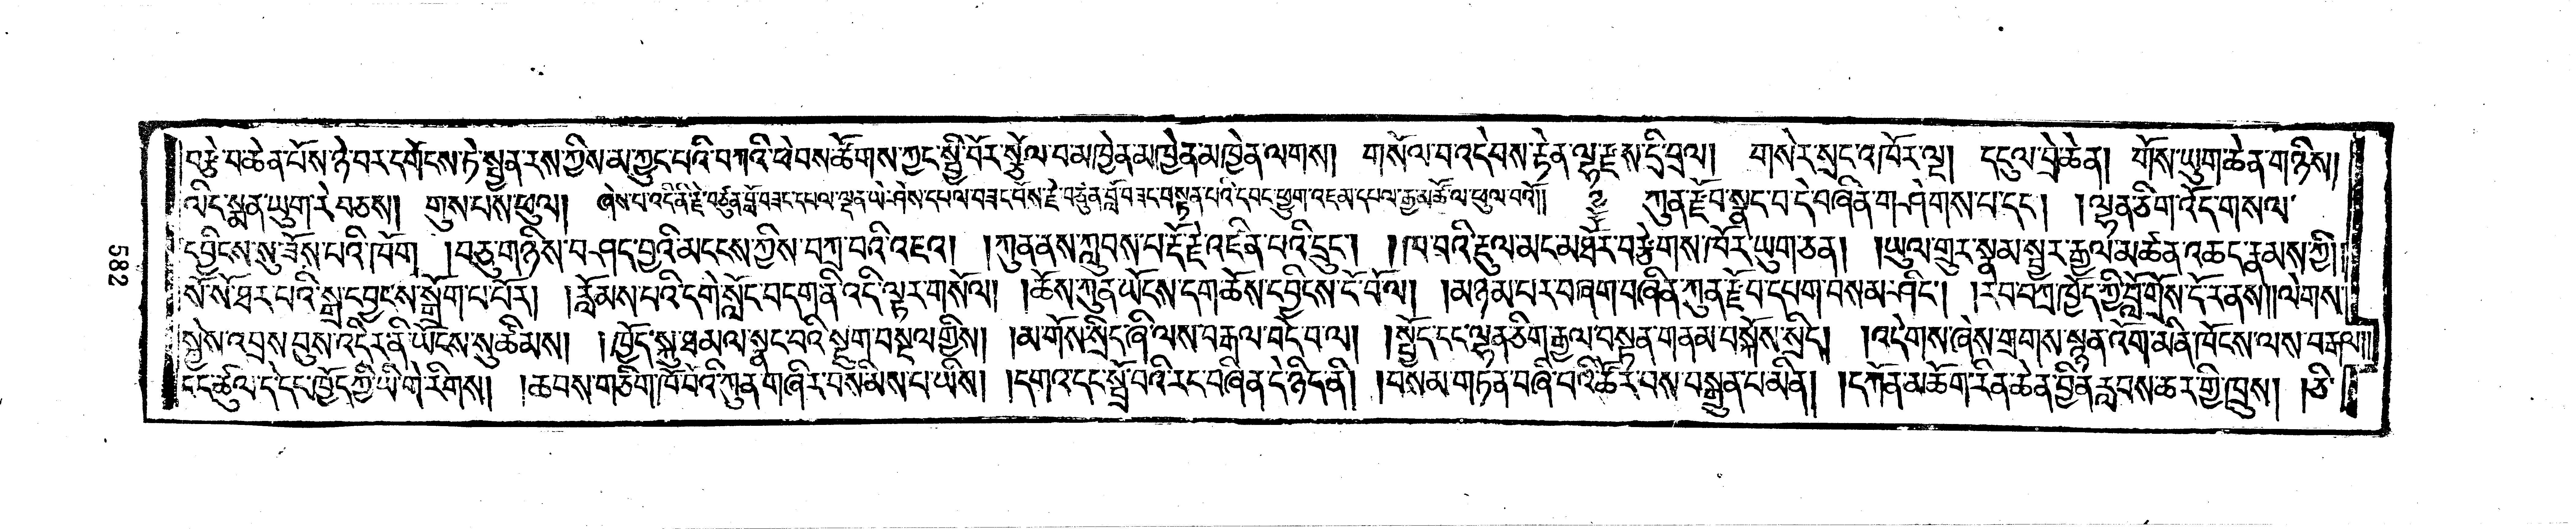བརྩེ་བ་ཆེན་པོས་ཉེ་བར་དགོངས་ཏེ་སྦྱན་རས་ཀྱིས་མ་ཀྱུང་བའི་བཀའ་ཕེབས་ཚོགས་ཀྱང་སྦྱི་བོར་སྩོལ་བ་མཁྱེན་མཁྱེན་མཁྱེན་ལགས། གསོལ་བ་འདེབས་རྟེན་ལྷ་རྫས་དྲི་བྲལ། གསེར་སྲང་འཁོར་ལྔ། དངུལ་བྲེ་ཆེན། གོས་ཡུག་ཆེན་གཉིས།
ལིང་སྨན་ཡུག་རེ་བཅས། གུས་པས་ཕུལ། ཞེས་པ་འདི་ནི་རྗེ་བཙུན་བློ་བཟང་དཔལ་ལྡན་ཡེ་ཤེས་དཔལ་བཟང་པོས་རྗེ་བཙུན་བློ་བཟང་བསྟན་པའི་དབང་ཕྱུག་འཇམ་དཔལ་རྒྱ་མཚོ་ལ་ཕུལ་བའོ།། ༈ ཀུན་རྫོབ་སྣང་བ་དེ་བཞིན་གཤེགས་པ་དང་། །ལྷན་ཅིག་འོད་གསལ་
དབྱིངས་སུ་ཟོས་པའི་ཁོག །བཅུ་གཉིས་བཤད་བྱའི་མདངས་ཀྱིས་བཀྲ་བའི་འཇའ། །ཀུན་ནས་ཀླུབས་པ་རྡོ་རྗེ་འཛིན་པའི་དྲུང་། །ཁ་བའི་རྡུལ་མང་མཐོར་བརྩེགས་ཁོར་ཡུག་ཅན། །ཡུལ་གྱུར་སྣང་སྦྱར་རྒྱལ་མ་ཚན་འཆད་རྣམས་ཀྱི།།
སོ་སོ་ཐར་པའི་སྒྲ་དབྱངས་སྒྲོག་པ་པོར། །རློམས་པའི་དགེ་སློང་བདག་ནི་འདི་ལྟར་གསོལ། །ཆོས་ཀུན་ཡོངས་དག་ཆོས་དབྱིངས་ངོ་བོ་ལ། །མཉམ་པར་བཞག་བཞིན་དུ་ཀུན་རྫོབ་དཔག་བསམ་ཤིང་། །རབ་བཀྲ་ཁྱོད་ཀྱི་བློ་གྲོས་དོ་ར་ནས། །ལེགས་
སྐྱེས་འབྲས་བུས་འདིར་ནི་ཡོངས་སུ་ཚིམས། །ཁྱོད་སྐུ་ཐ་མལ་སྣང་བའི་སྡུག་བསྔལ་གྱིས། །མ་གོས་སྲིད་ཞི་ལས་བརྒལ་བདེ་བ་ལ། །སྤྱོད་དང་ལྷན་ཅིག་རྒྱལ་བསྟན་གནམ་བསྐོས་སྲིད། །འདེགས་ཞེས་གྲགས་སྙན་འོག་མིན་ཁོངས་ལས་བརྒལ།།
ངང་ཚུལ་དེ་དང་ཁྱོད་ཀྱི་ཡི་གེ་རིགས། །ཆབས་གཅིག་ཁོ་བོའི་ཀུན་གཞིར་བས་མིས་པ་ཡིས། །དགའ་དང་སྤྲོ་བའི་རང་བཞིན་དེ་ཉིད་ནི། །བསམ་གཏན་བཞི་བའི་ཚོར་བས་བསྒྲུན་པ་མིན། །དཀོན་མཆོག་རིན་ཆེན་བྱིན་རླབས་ཆར་གྱི་ཁྲུས། །ཅི་